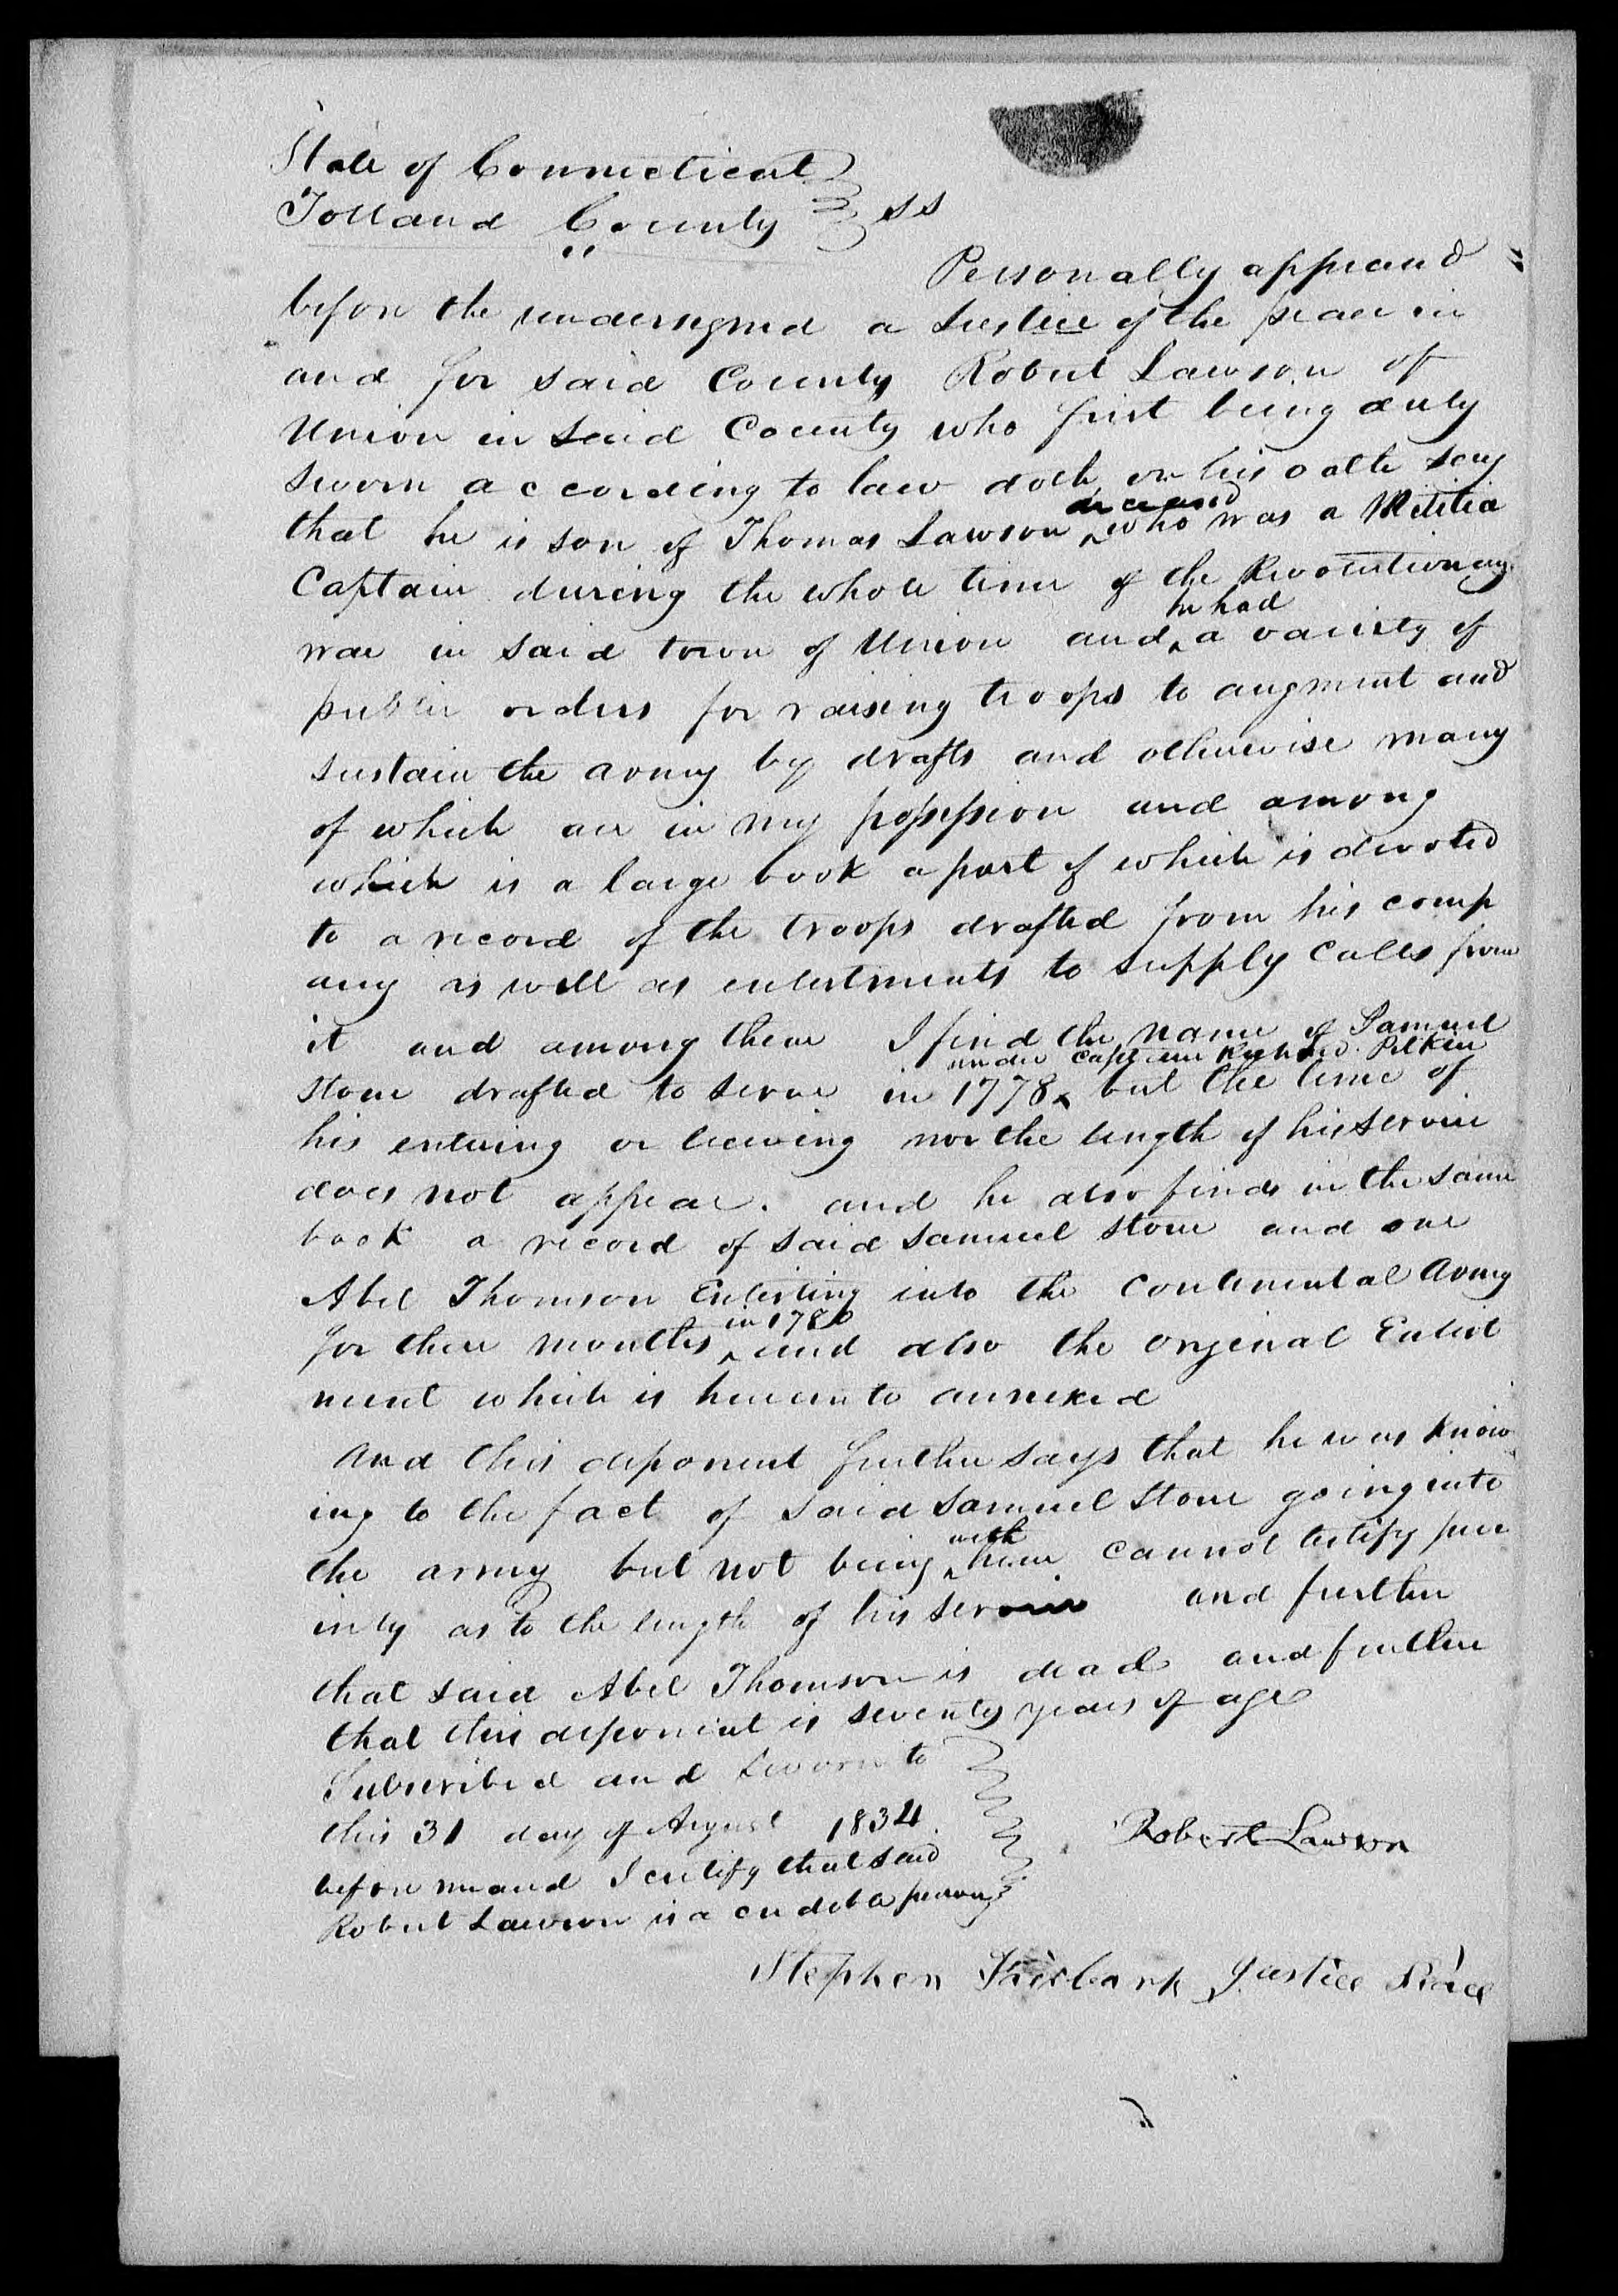State of Connecticut }
Tolland County } ss

Personally appeared before the undersigned a Justice of the peace in and for said County Robert Lawson of Union in said County who first being duly sworn according to law doth on his oath say that he is son of Thomas Lawson deceased who was a Militia Captain during the whole time of the Revolutionary
he had was in said town of Union and he had a variety of public orders for raising troops to augment and sustain the army by drafts and otherwise many of which are in my possession and among which is a large book a part of which is devoted to a record of the troops drafted from his company as well as enlistments to supply calls from it and among them I find the name of Samuel Stone drafted to serve in 1778 under Captain Richard Pikin bu the time of his entering or leaving nor the length of his service does not appear.   And he also finds in the same book a record of said Samuel Stone and one Abel Thomson entering into the Continental Army for three months  in 1780 and also the original Enlistment which is hereunto annexed.

And this deponent further says that he was knowing to the fact of said Samuel Stone going into the army but not being with him cannot certify [illegible] as to the length of his service and further that said Abel Thomson is dead and further that this deponent is seventy years of age.
[signed] Robert Lawson

Subscribed and sworn to 
this 31 day of August 1834 
before me and I certify that said
Robert Lawson is a credible person

Stephen Fairbank Justice Peace [signature]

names: Robert Lawson; Robert Lawson; Richard Pitkin; Thomas Lawson; Robert Lawson; Stephen Fairbank; Samuel Stone; Abel Thomson; Samuel Stone; Abel Thomson; Samuel Stone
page: 6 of 10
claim: survivor's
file: S. 17,708, for Samuel Stone, Connecticut